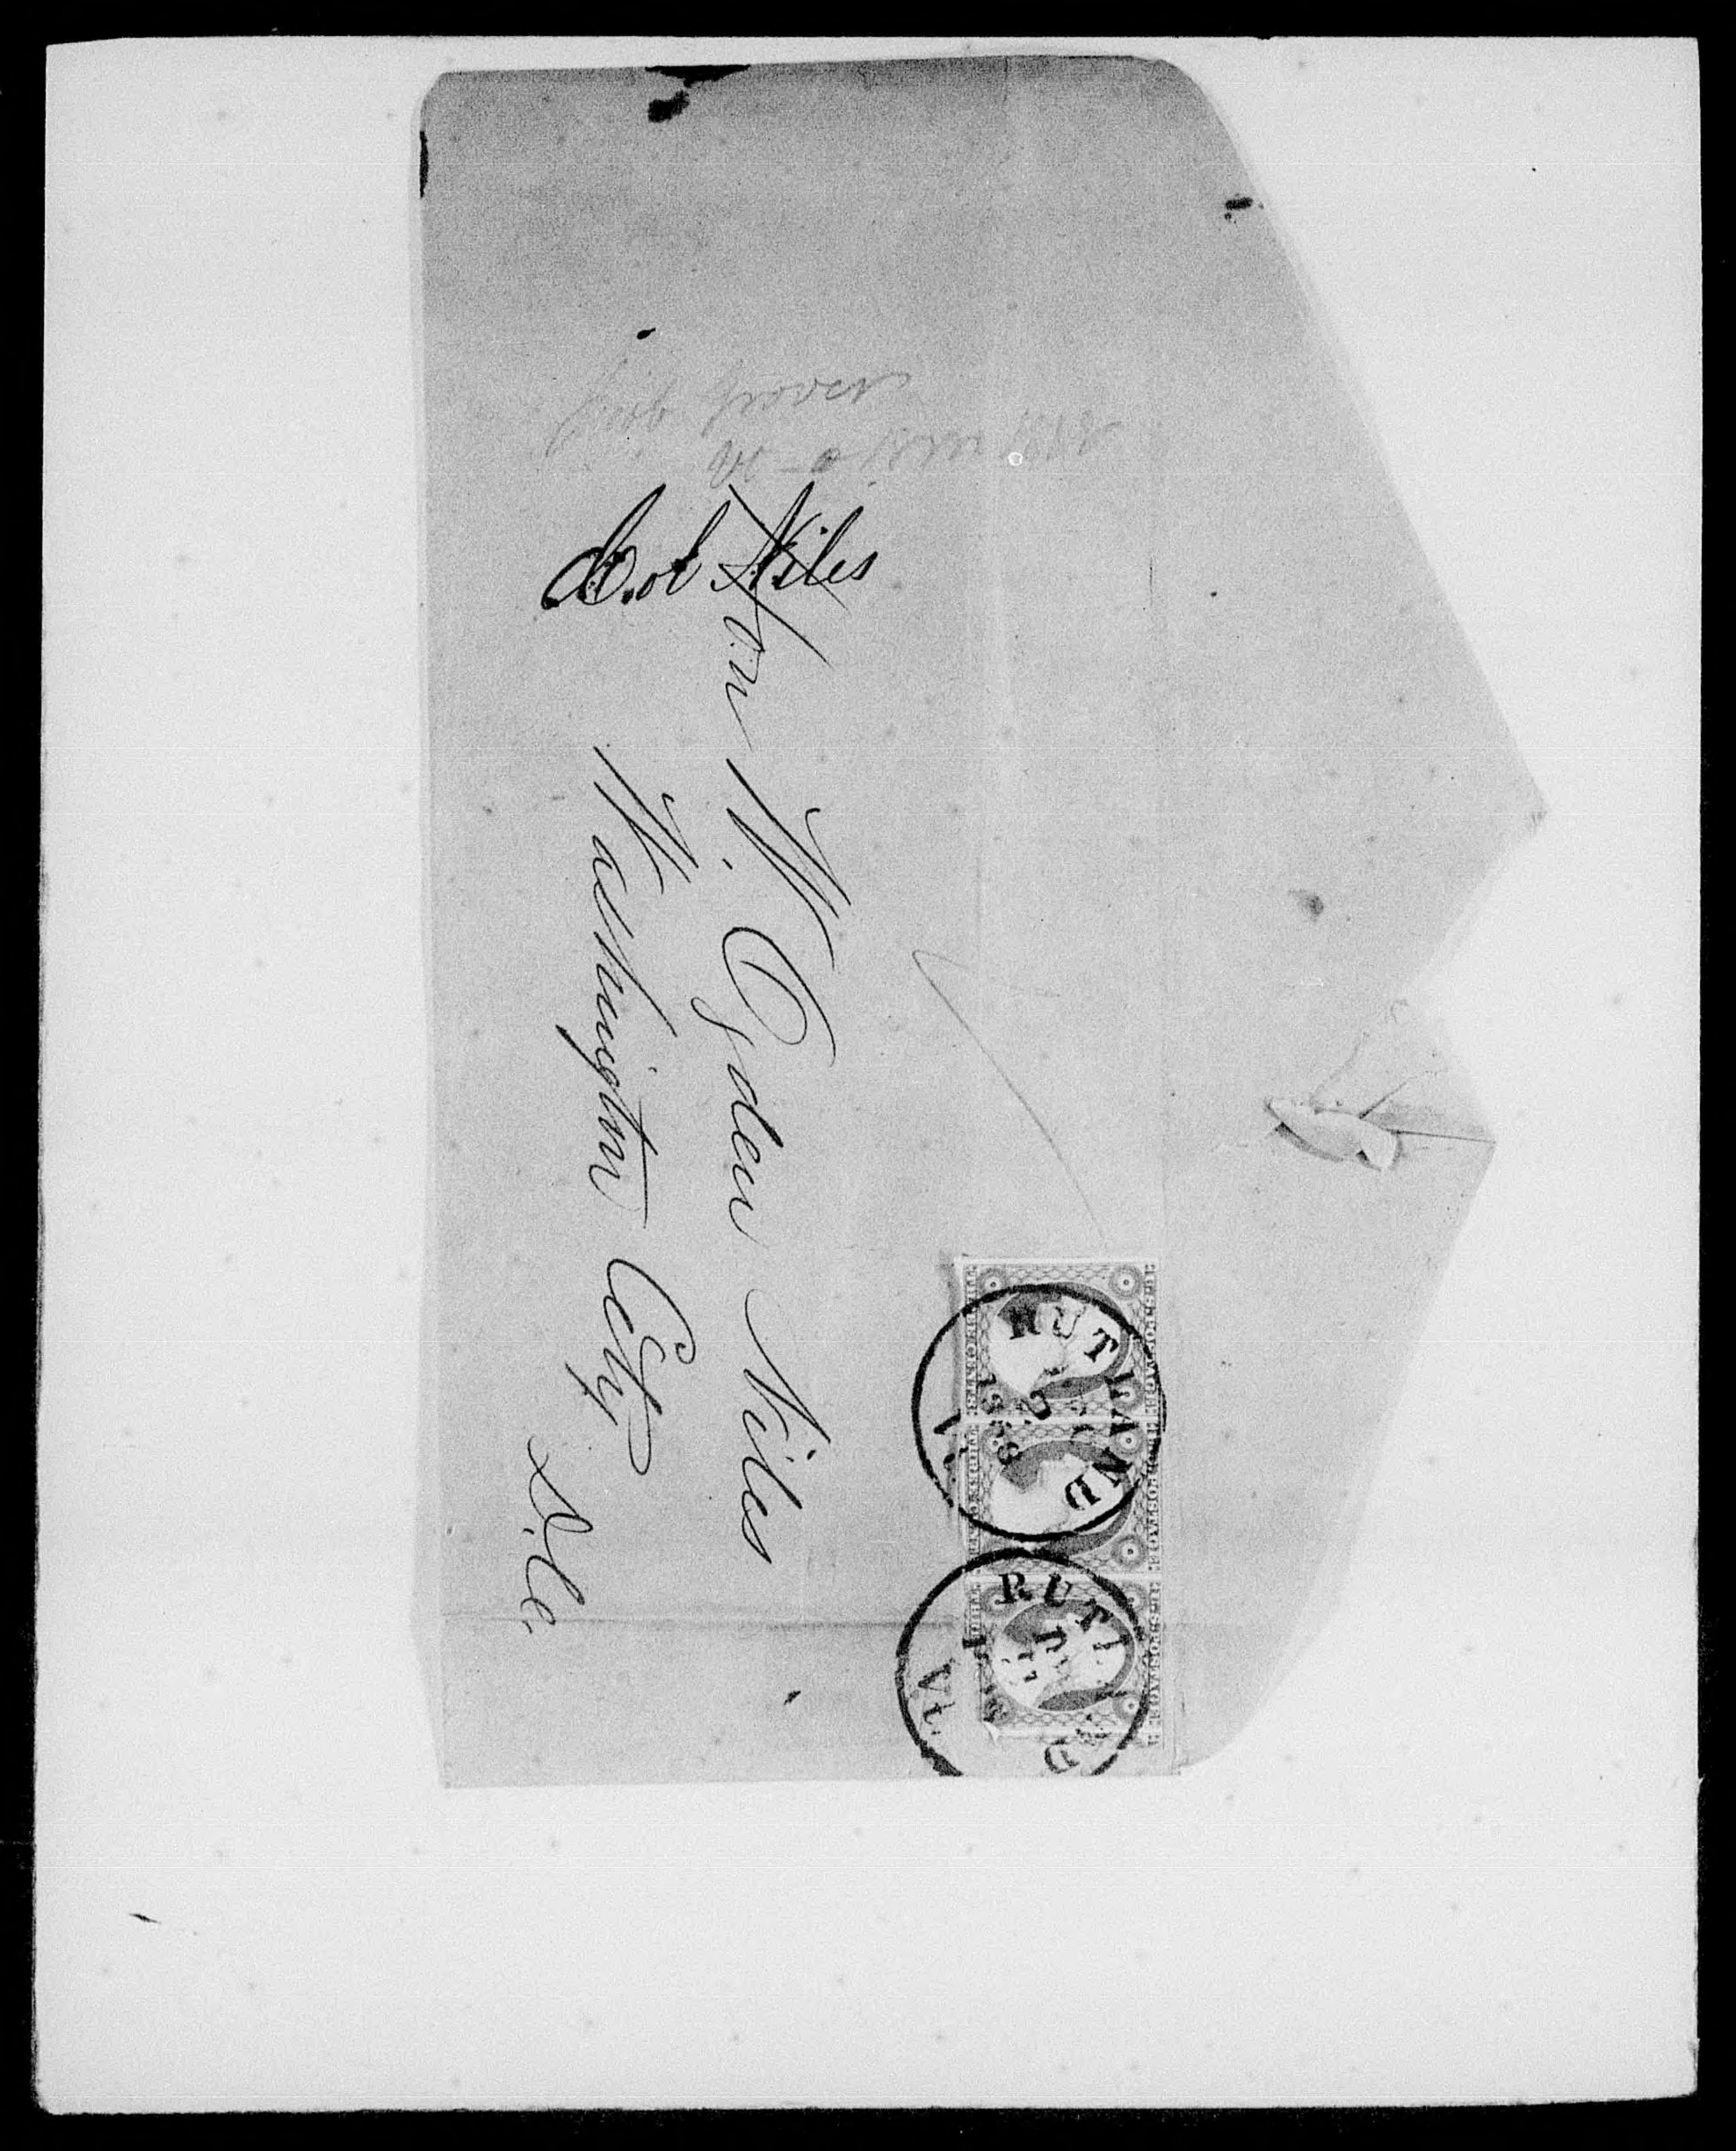Front of Envelope:

Hon W. Ogden Niles
Washington City D.C.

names: W Ogden Niles, Niles, Jacob Grover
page: 6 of 22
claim: survivor's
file: S. 38777, Jacob Grover, Continental (Vt.)